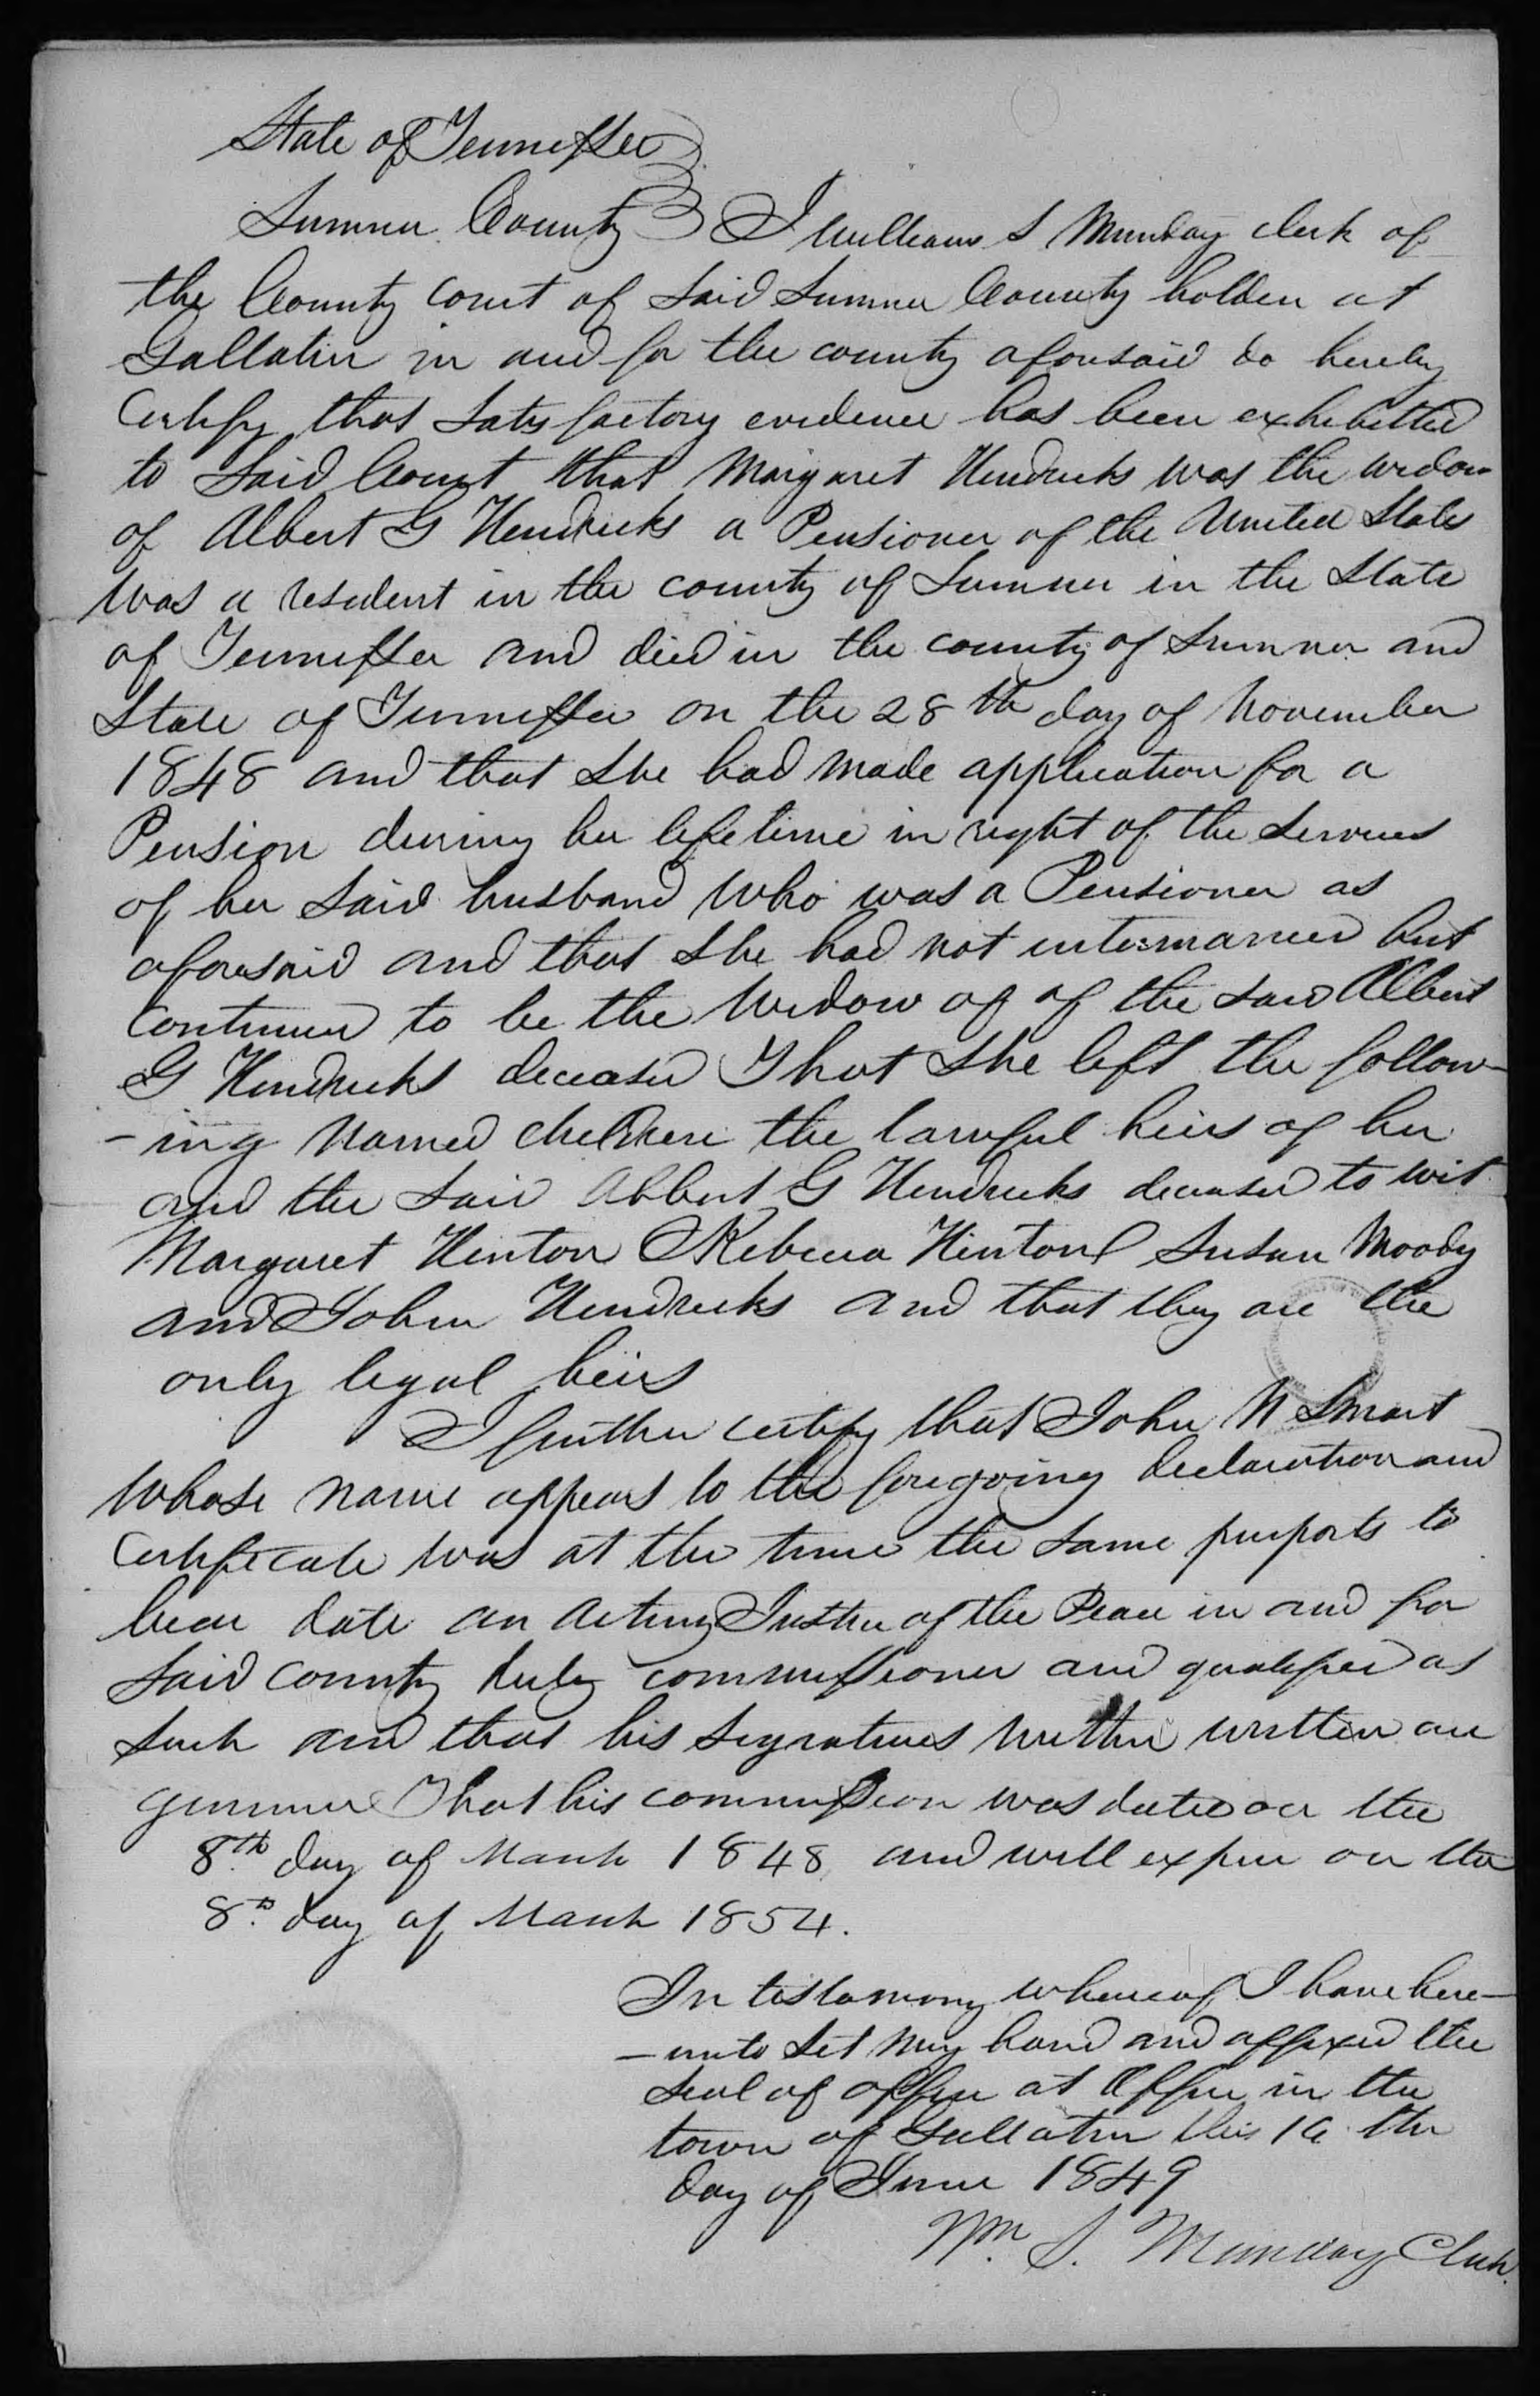State of Tennessee }
Sumner County } I William S Munday Clerk of 
the County Court of said Sumner County holden at 
Gallatin in and for the County aforesaid do hereby 
certify that satisfactory evidence has been exhibited 
to said Court that Margaret Hendricks was the widow 
of Albert G Hendricks a Pensioner of the United States 
was a resident in the County of Sumner in the State 
of Tennessee on the 28th day of November 
1848 and that she had made application for a 
Pension during her lifetime in right of the services 
of her said husband who was a Pensioner as 
aforesaid and that she had not intermarried but 
continued to be the widow of [repeated: of] the said Albert 
G Hendricks deceased That she left the follow
ing named children the lawful heirs of her 
and the said Albert G Hendricks deceased to wit 
Margaret Hinton Rebecca Hinton Susan Moody 
and John Hendricks and that they are the 
only legal heirs
[Circular stamp National Archives]
THE NATIONAL ARCHIVES OF THE UNITED STATES

I further certify that John N Smart 
whose name appears to the foregoing declaration and 
certificate was at the time the same purports to 
bear date an acting Justice of the Peace in and for 
said County duly commissioned and qualified as 
such and that his signatures within written are 
genuine That his commission was dated on the 
8th day of March 1848 and will expire on the 
8th day of March 1854.
In testimony whereof I have here
unto set my hand and affixed the 
[Blurred seal of office] seal of office at office in the 
town of Gallatin this 16th 
day of June 1849
Wm. S. Munday Clerk.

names: Rebecca Hinton, Albert G Hendricks, Susan Moody, Albert G Hendricks, John Hendricks, Margaret Hendricks, John N Smart, Margaret Hinton, William S Munday, Albert G Hendricks, Wm S Munday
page: 63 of 76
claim: widow's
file: W. 83, Albert Hendricks, Continental Md. N.C.